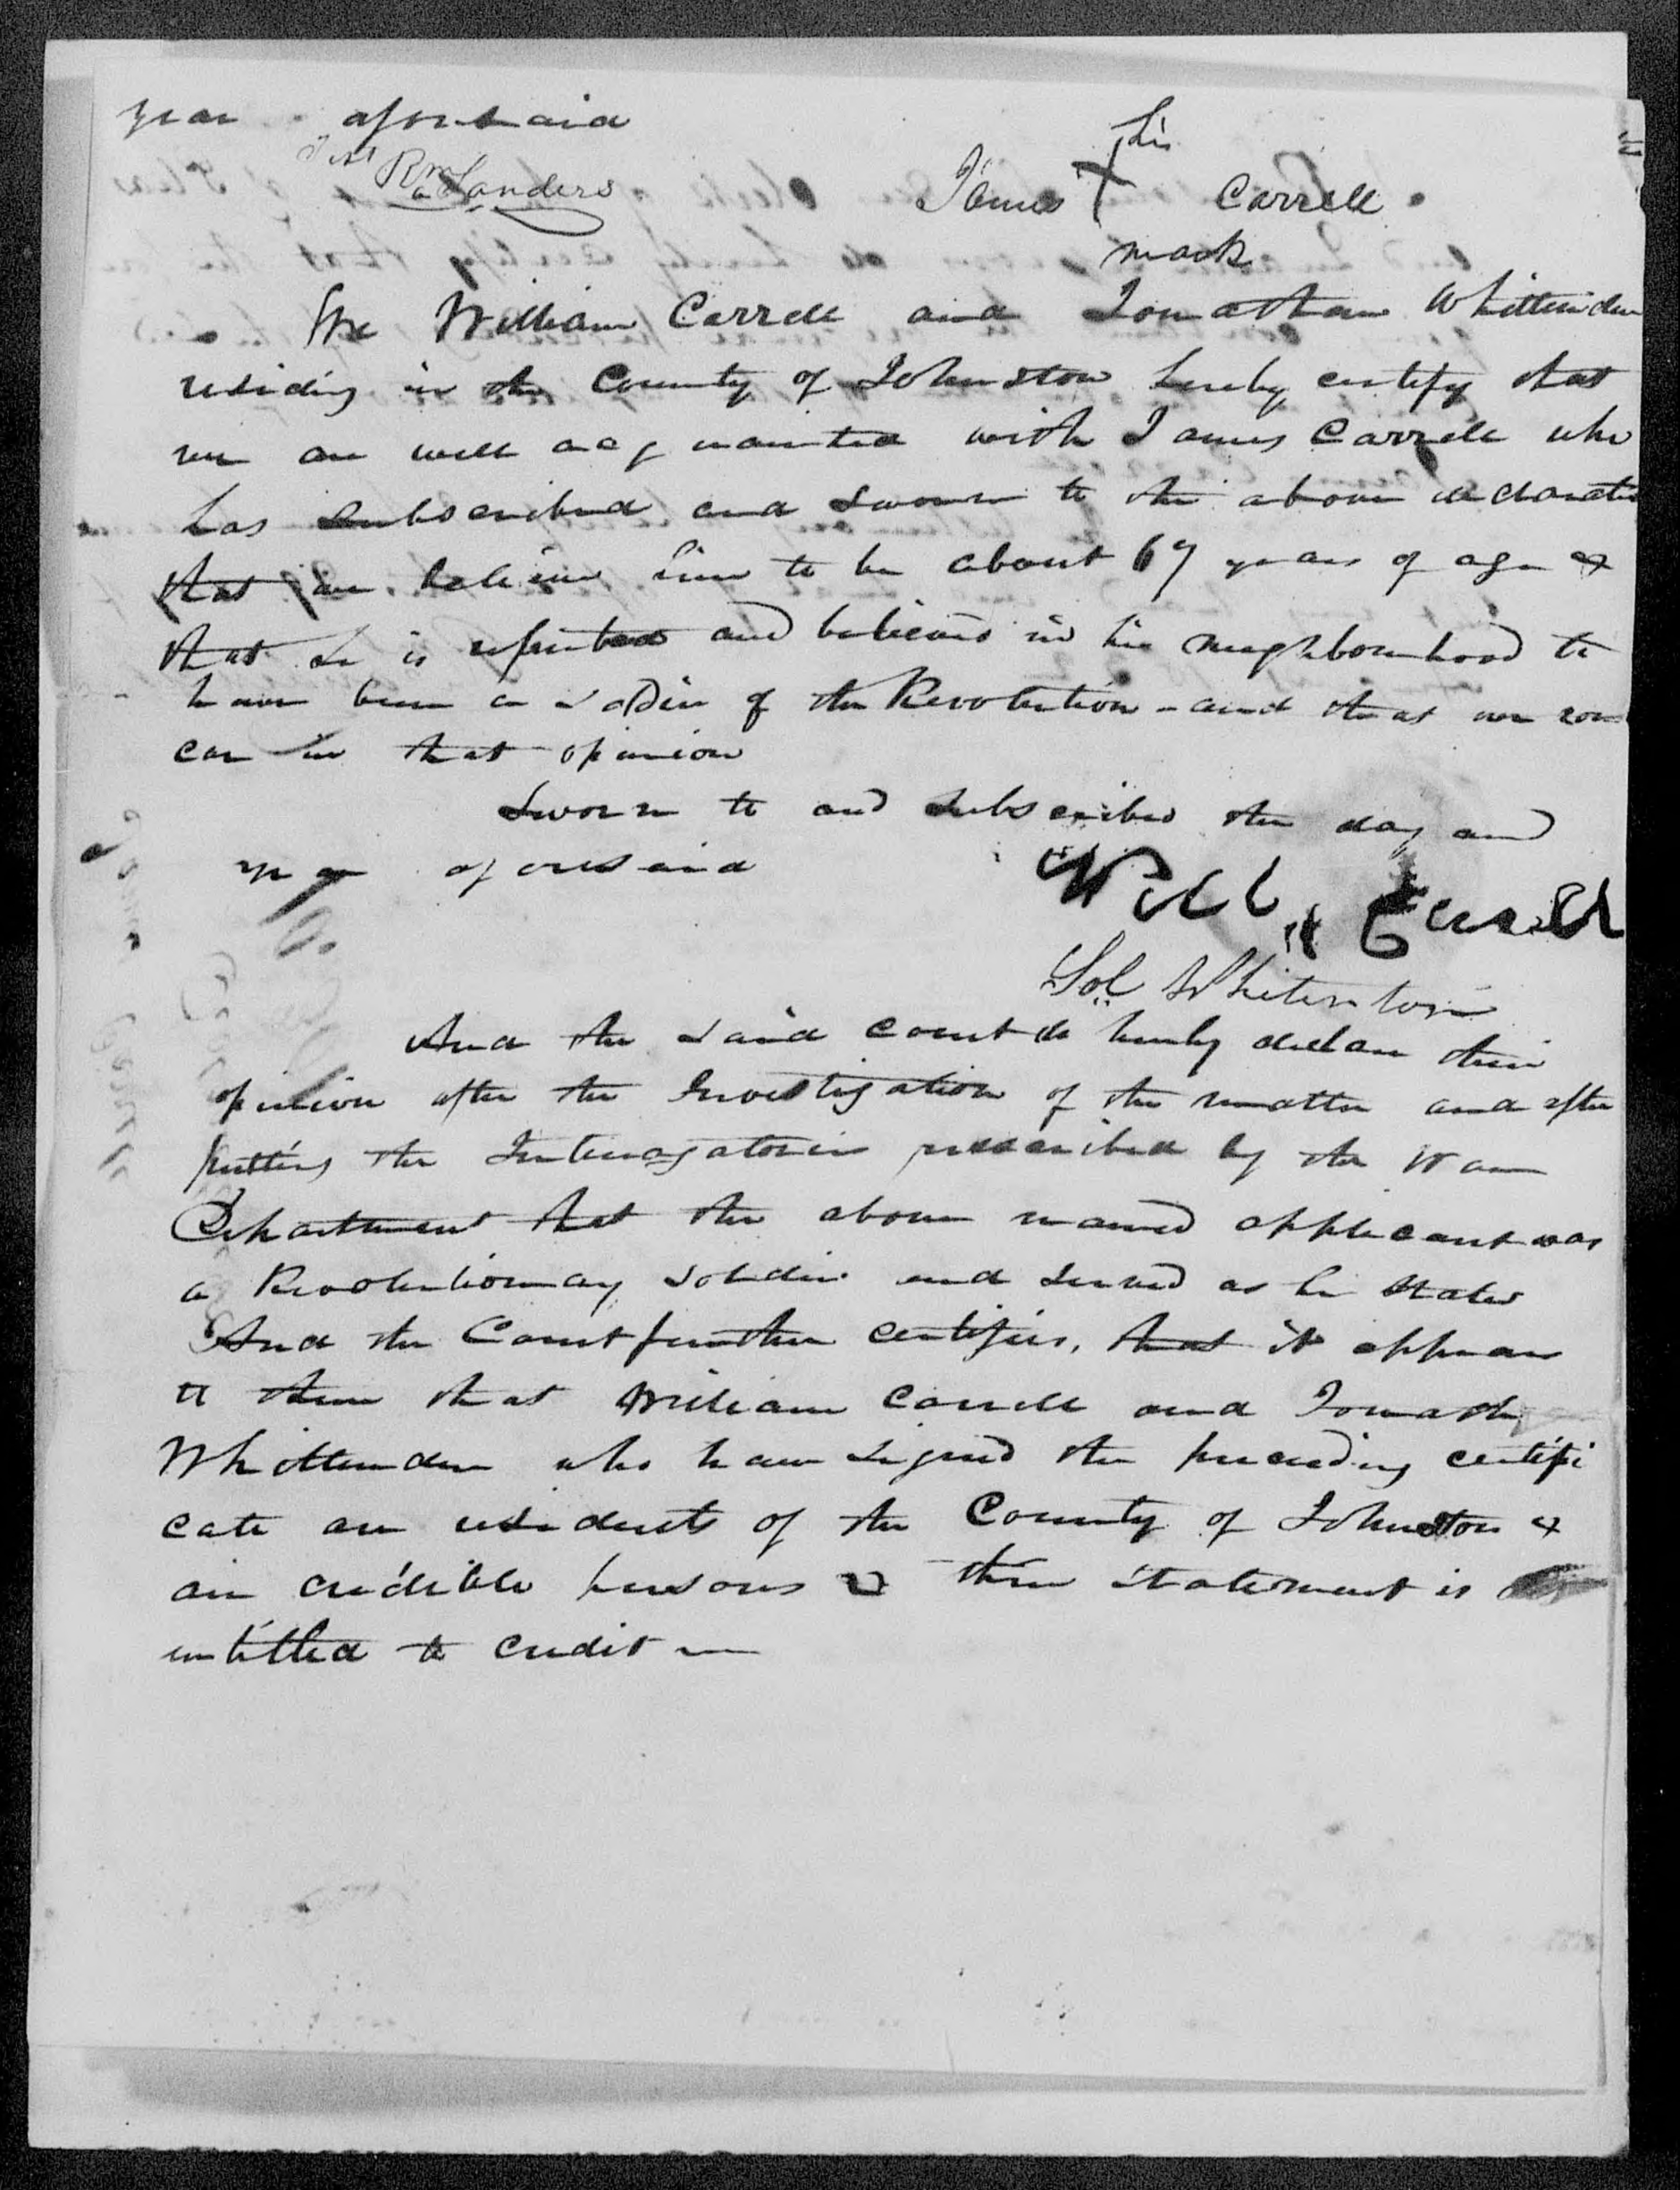year aforesaid.   Test. Rm Sanders          James Carrell (his mar)

We William Carrell and Jonathan Whittenden residing in the county of Johnston hereby certify that we are well acquainted with James Carrell who has subscribed and sworn to the above declaration that we believe him to be about 67 years of age and that he is reputed and believed in his neighborhood to have been a soldier of the Revolution - and that we concur in that opinion. 
Sworn to and subscribed the day and year aforesaid.  Will Carrell  Sol Whitenton

And the said court do hereby declare their opinion after the investigation of the matter and after putting the interrogatories prescribed by the war department that the above named applicant was a Revolutionary soldier and served as he states And the court further certifies, that it appears to them that William Carrell and Jonathan Whittenden who have signed the preceding certificate are residents of teh County of Johnston and are credible persons and their statement is entitled to credit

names: Will Carel, Sol Whitenton, Rm Sanders, Jonathan Whittenden, Jonath Whittenden, William Carrell, James Carrell, James Carrell, William Carrell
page: 5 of 86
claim: widow's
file: W. 6899, James Carrell, N.C.